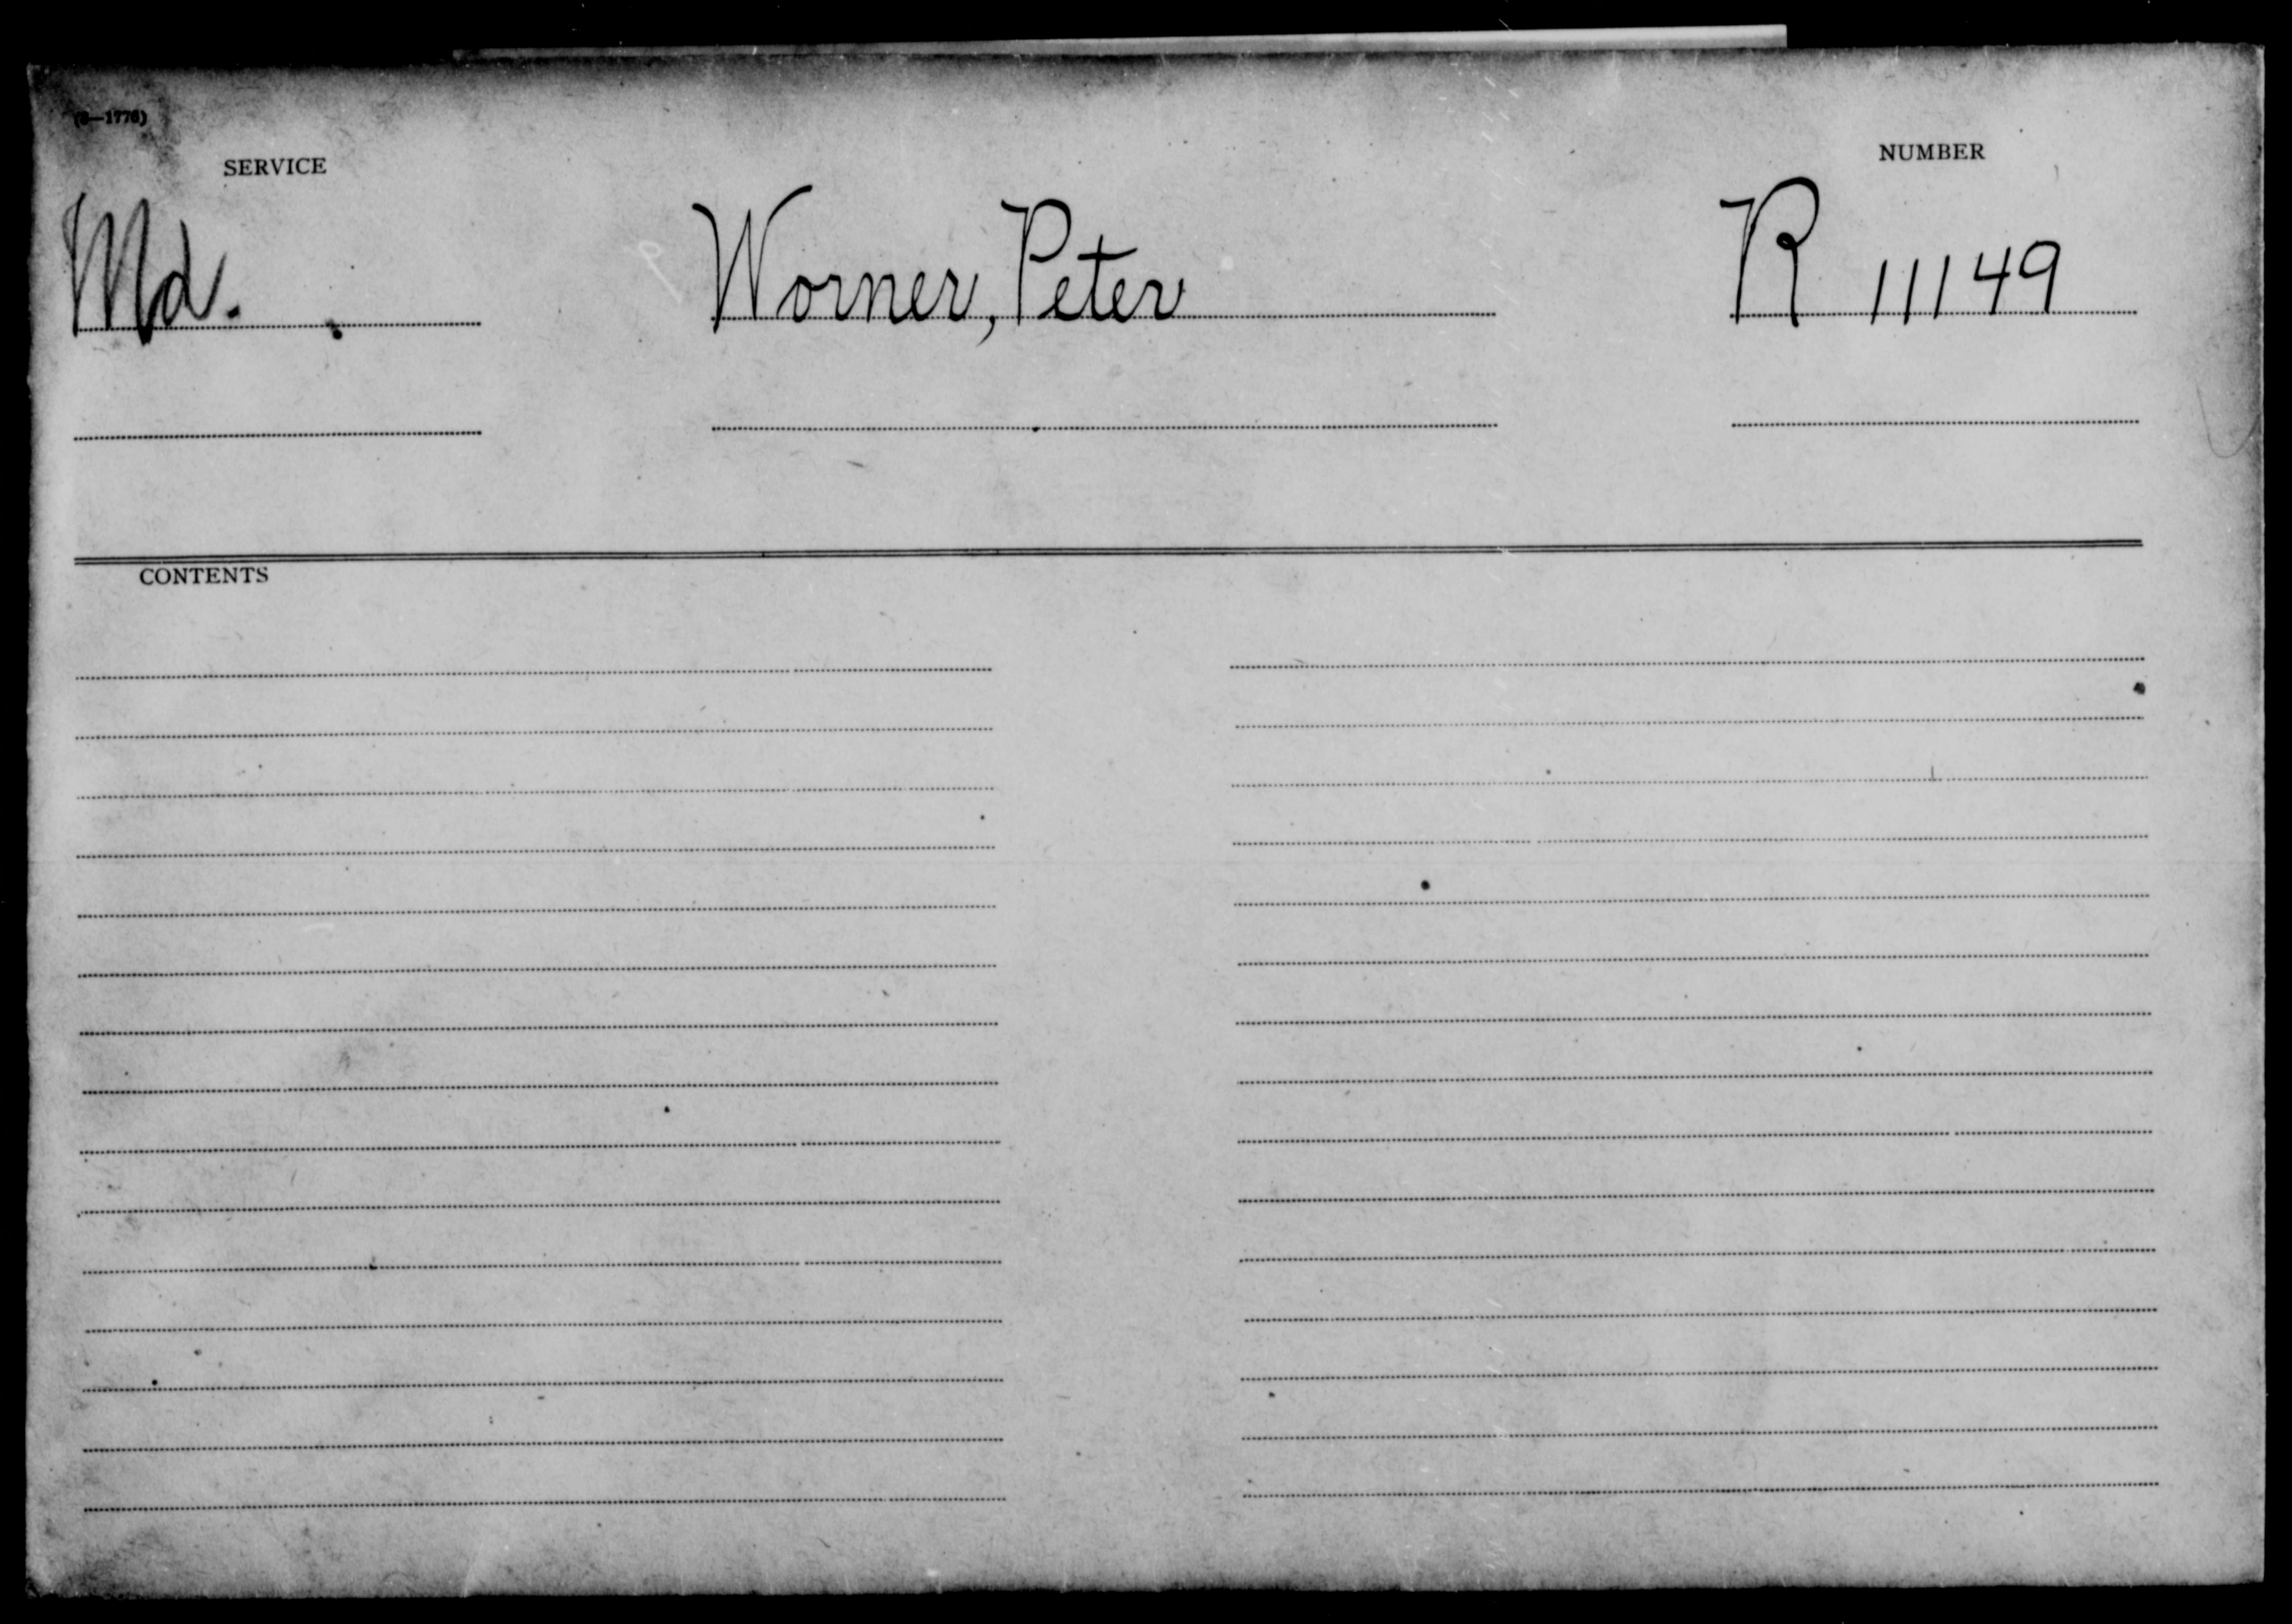(3-1776)
SERVICE NUMBER
Md. Worner, Peter R11149

CONTENTS
[two blank columns below]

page: 1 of 14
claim: rejected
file: R 11149, Peter Worner, Md.